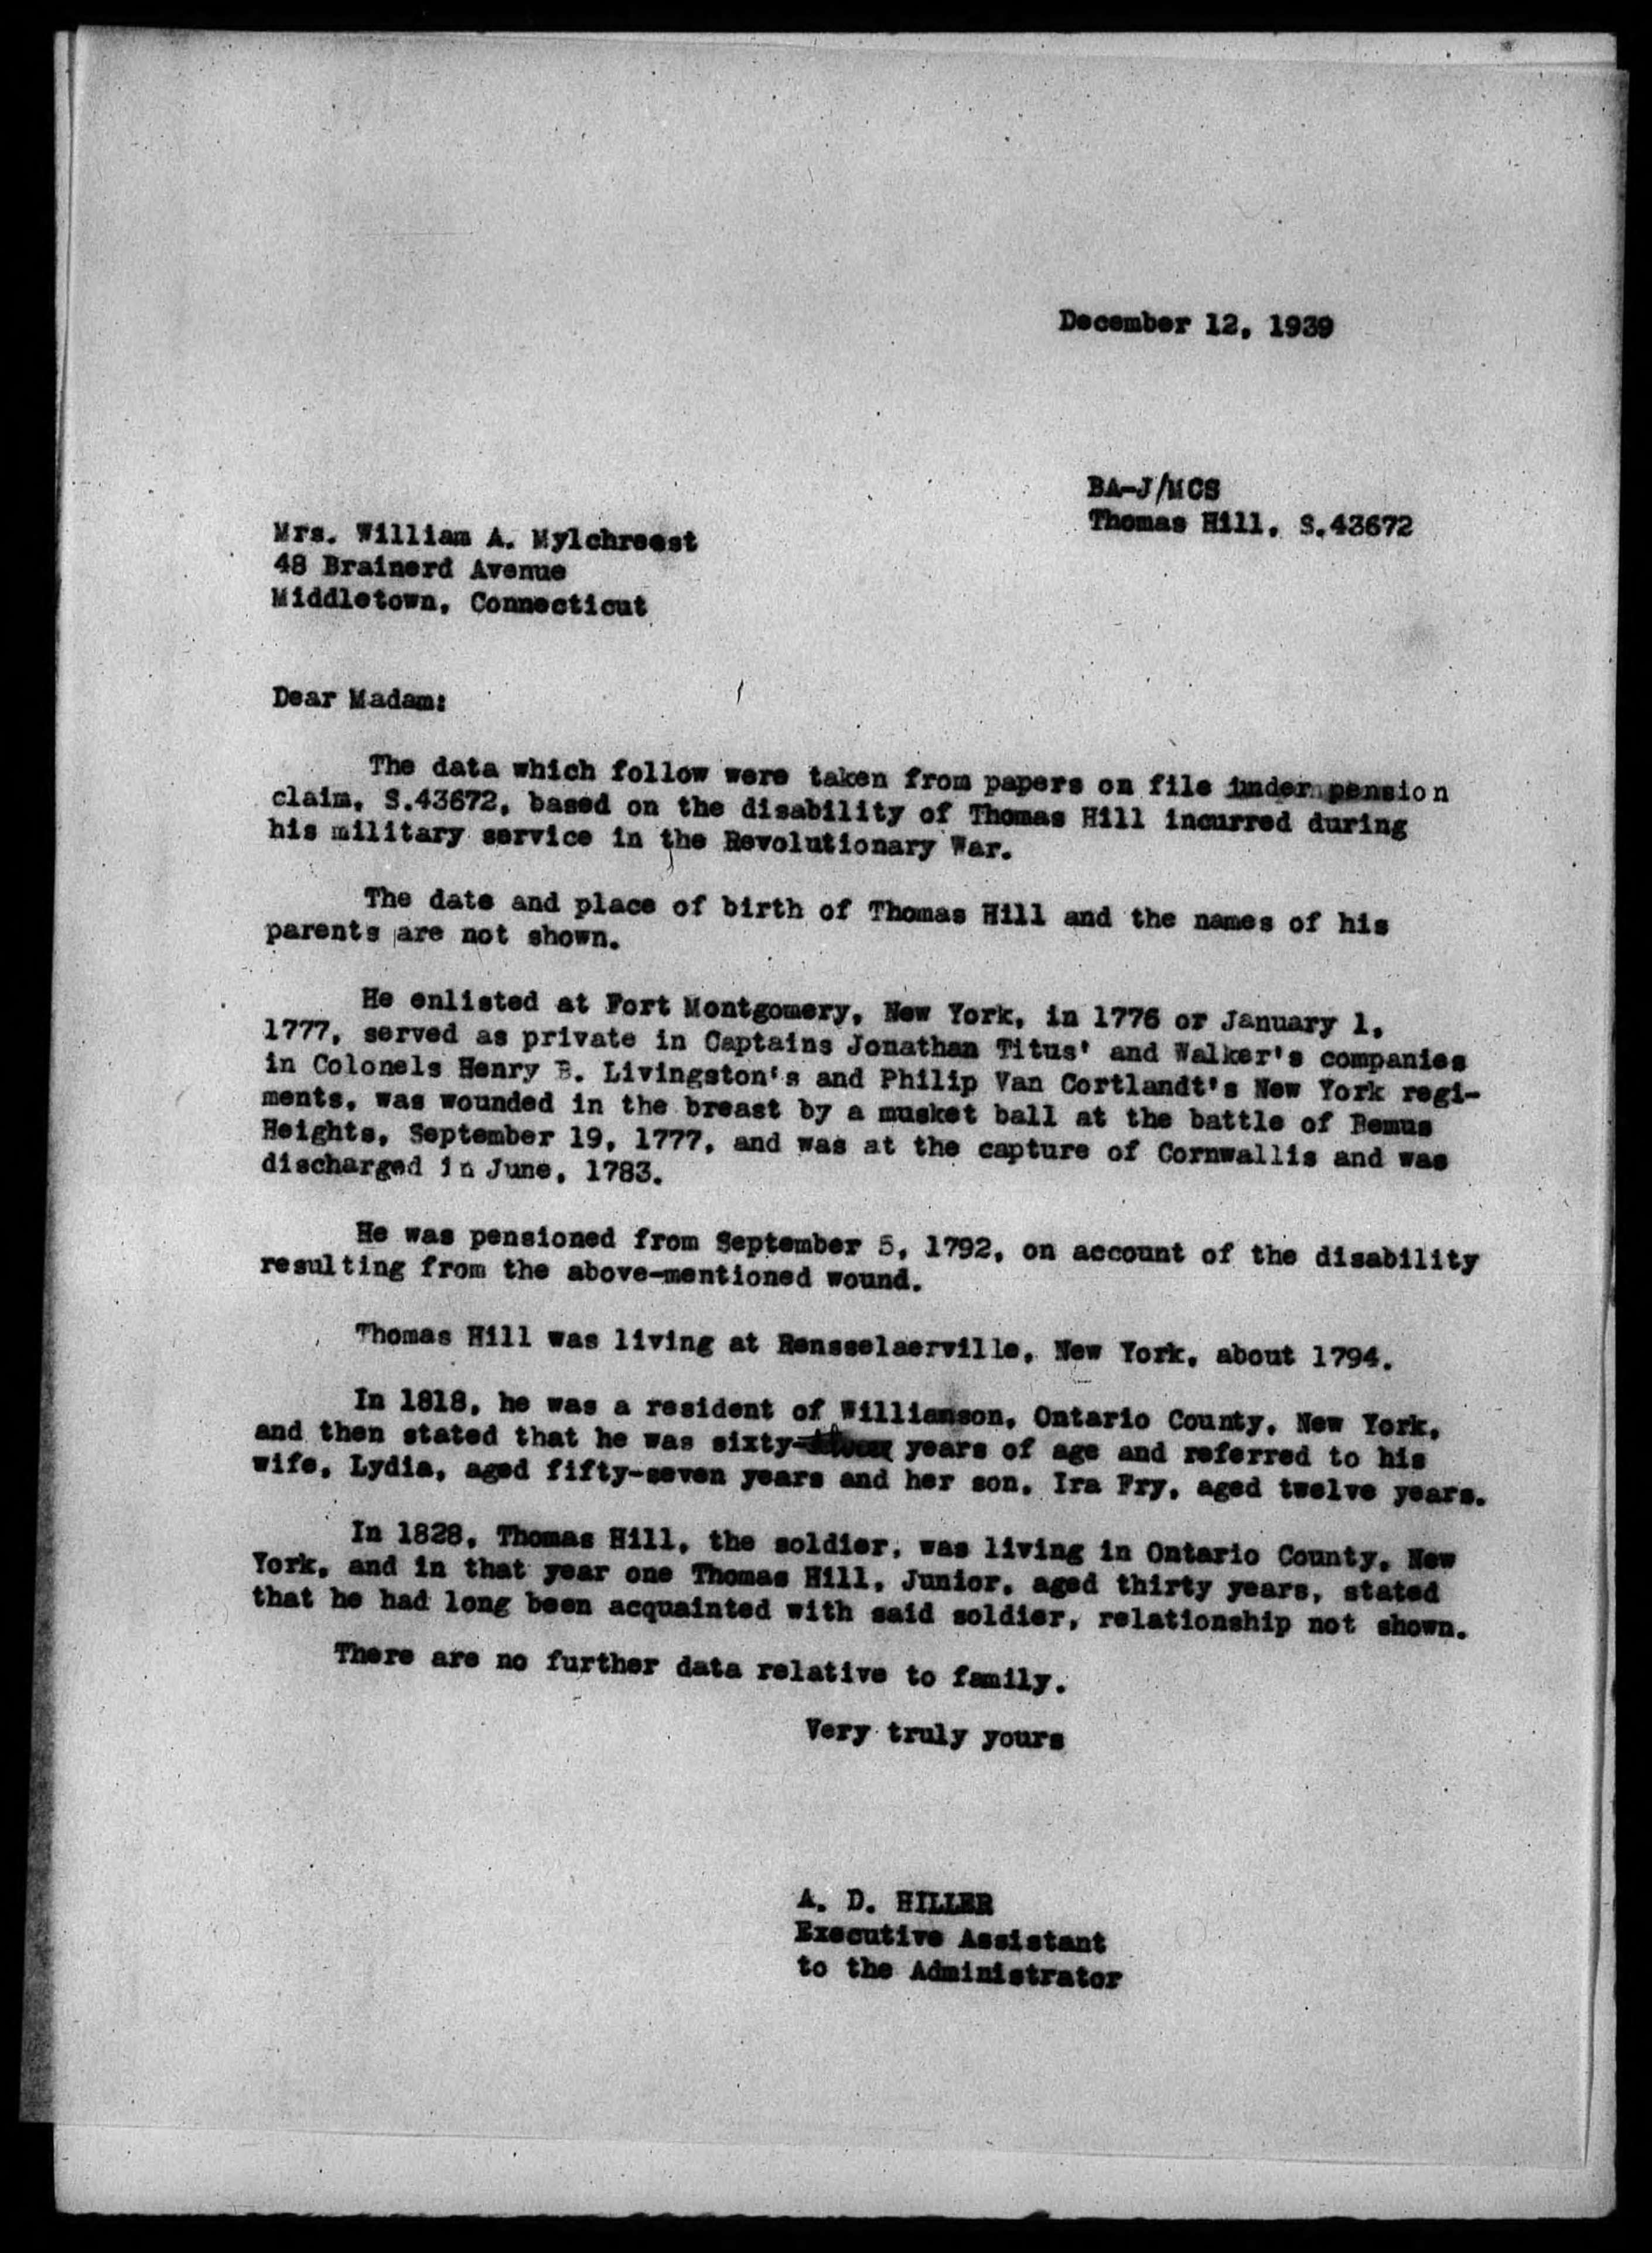December 12, 1939

BA-J/MCS
Thomas Hill, S.43672

Mrs. William A. Mylchreest
48 Brainerd Avenue
Middletown, Connecticut

Dear Madam:

The data which follow were taken from papers on file under pension claim, S.43672, based on the disability of Thomas Hill incurred during his military service in the Revolutionary War.

The date and place of birth of Thomas Hill and the names of his parents are not shown.

He enlisted at Fort Montgomery, New York, in 1776 or January 1, 1777, served as private in Captains Jonathan Titus' and Walker's companied in Colonels Henry B. Livingston's and Philip Van Cortlandt's New York regiments, was wounded in the breast by a musket ball at the battle of Bemus Heights, September 19, 1777, and was at the capture of Cornwallis and was discharged in June, 1783.

He was pensioned from September 5, 1792, on account of the disability resulting from the above-mentioned wound.

Thomas Hill was living at Rensselaerville, New York, about 1794.

In 1818, he was a resident of Williamson, Ontario County, New York, and then stated that he was sixty-[illegible] years of age and referred to his wife, Lydia, aged fifty seven years and her son, Ira Fry, aged twelve years.

In 1826, Thomas Hill, the soldier, was living in Ontario County, New York, and in that year one Thomas Hill, Junior, aged thirty years, stated that he had long been acquainted with said soldier, relationship not shown.

There are no further data relative to family.

Very truly yours
A. D. Hiller
Executive Assistant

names: Thomas Hill, Thomas Hill, William A Mylchreest, Ira Fry, A D Hiller, Thomas Hill, Thomas Hill, Thomas Hill, Lydia, Thomas Hill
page: 30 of 31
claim: survivor's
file: S. 43672, Thomas Hill, New York